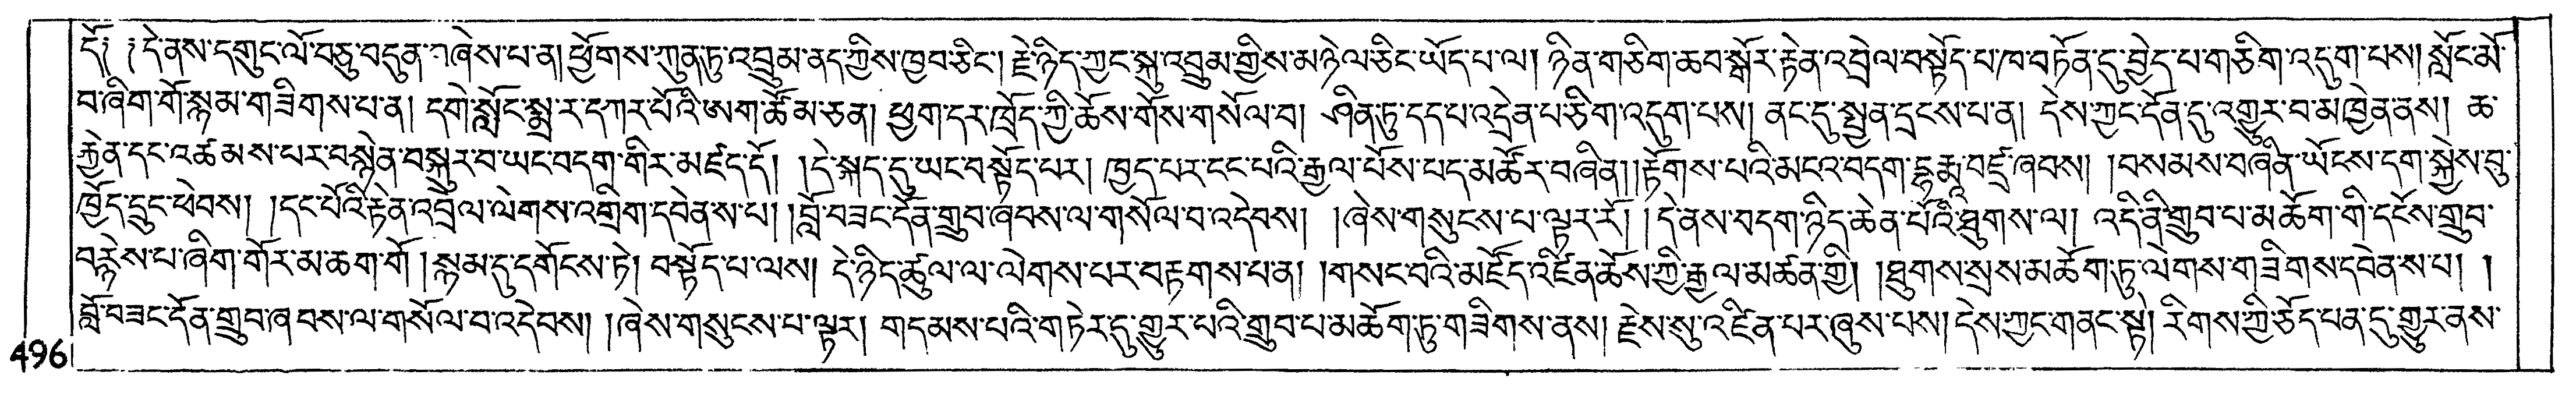དོ། །དེ་ནས་དགུང་ལོ་བཅུ་བདུན་བཞེས་པ་ན། ཕྱོགས་ཀུན་ཏུ་འབྲུམ་ནད་ཀྱིས་ཁྱབ་ཅིང་། རྗེ་ཉིད་ཀྱང་སྐུ་འབྲུམ་གྱིས་མཉེལ་ཅིང་ཡོད་པ་ལ། ཉིན་གཅིག་ཆབ་སྒོར་རྟེན་འབྲེལ་བསྟོད་པ་ཁ་བཏོན་དུ་བྱེད་པ་གཅིག་འདུག་པས། སློང་མོ་
བ་ཞིག་གོ་སྙམ་གཟིགས་པ་ན། དགེ་སློང་སྨྲ་ར་དཀར་པོའི་ཨག་ཚོམ་ཅན། ཕྱག་དར་ཁྲོད་ཀྱི་ཆོས་གོས་གསོལ་བ། ཤིན་ཏུ་དད་པ་འདྲེན་པ་ཅིག་འདུག་པས། ནང་དུ་སྤྱན་དྲངས་པ་ན། དེས་ཀྱང་དོན་དུ་འགྱུར་བ་མཁྱེན་ནས། ཆ་
རྐྱེན་དང་འཚམས་པར་བསྙེན་བསྐུར་བ་ཡང་བདག་གིར་མཛད་དོ། །དེ་སྐད་དུ་ཡང་བསྟོད་པར། ཁྱད་པར་ངང་པའི་རྒྱལ་པོས་པད་མཚོར་བཞིན། །རྟོགས་པའི་མངའ་བདག་དྷརྨཱ་བཛྲ་ཞབས། །བསམས་བཞིན་ཡོངས་དག་སྐྱེས་བུ་
ཁྱོད་དྲུང་ཕེབས། །དང་པོའི་རྟེན་འབྲེལ་ལེགས་འགྲིག་དབེན་ས་པ། །བློ་བཟང་དོན་གྲུབ་ཞབས་ལ་གསོལ་བ་འདེབས། །ཞེས་གསུངས་པ་ལྟར་རོ། །དེ་ནས་བདག་ཉིད་ཆེན་པོའི་ཐུགས་ལ། འདི་ནི་གྲུབ་པ་མཆོག་གི་དངོས་གྲུབ་
བརྙེས་པ་ཞིག་གོར་མ་ཆག་གོ །སྙམ་དུ་དགོངས་ཏེ། བསྟོད་པ་ལས། དེ་ཉིད་ཚུལ་ལ་ལེགས་པར་བརྟགས་པ་ན། །གསང་བའི་མཛོད་འཛིན་ཆོས་ཀྱི་རྒྱལ་མཚན་གྱི། །ཐུགས་སྲས་མཆོག་ཏུ་ལེགས་གཟིགས་དབེན་ས་པ། །
བློ་བཟང་དོན་གྲུབ་ཞབས་ལ་གསོལ་བ་འདེབས། །ཞེས་གསུངས་པ་ལྟར། གདམས་པའི་གཏེར་དུ་གྱུར་པའི་གྲུབ་པ་མཆོག་ཏུ་གཟིགས་ནས། རྗེས་སུ་འཛིན་པར་ཞུས་པས། དེས་ཀྱང་གནང་སྟེ། རིགས་ཀྱི་ཅོད་པན་དུ་གྱུར་ནས་